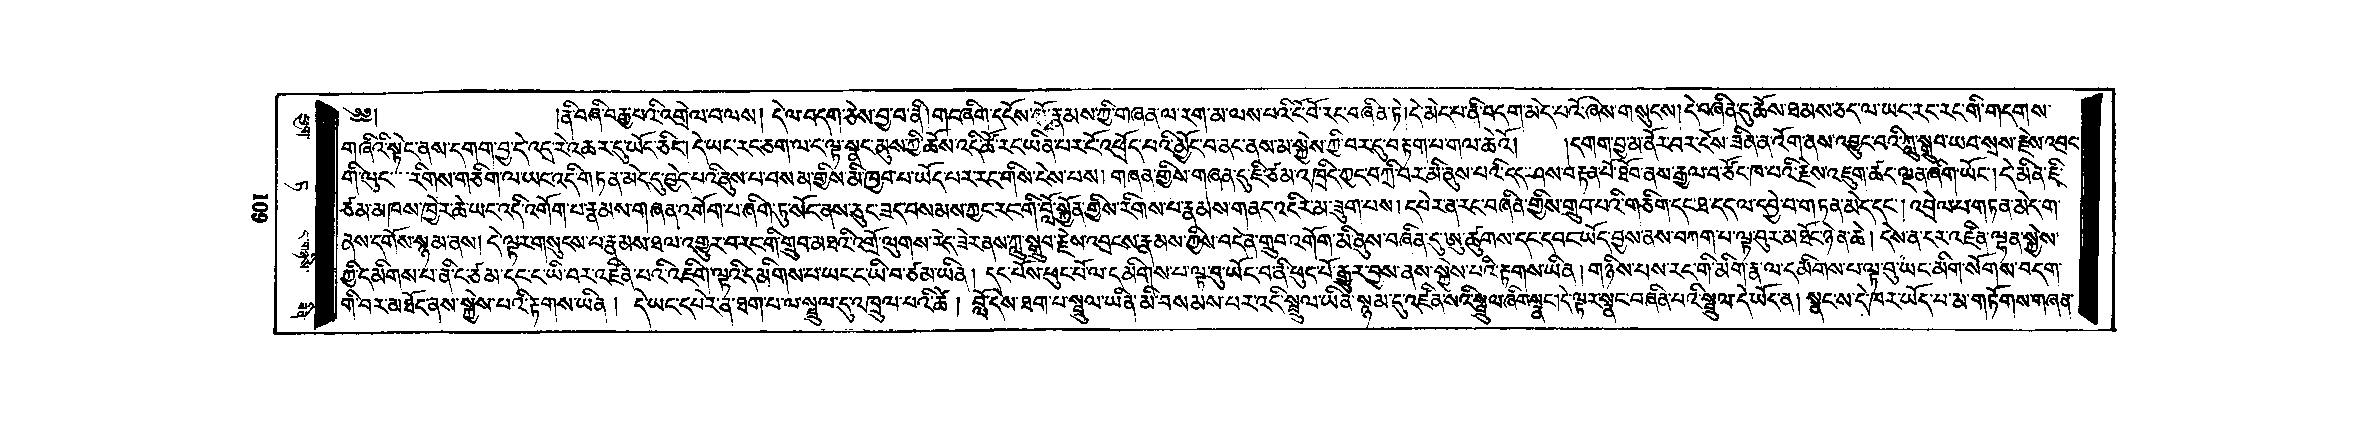༄༅། །ནི་བཞི་བརྒྱ་པའི་འགྲེལ་བ་ལས། དེ་ལ་བདག་ཅེས་བྱ་བ་ནི། གང་ཞིག་དངོས་པོ་རྣམས་ཀྱི་གཞན་ལ་རག་མ་ལས་པའི་བོ་རང་བཞིན་ཏེ། དེ་མེད་པ་ནི་བདག་མེད་པའོ་ཞེས་གསུངས། དེ་དེབཞིན་དུ་ཆོས་ཐམས་ཅད་ལ་ཡང་རང་རང་གི་གདག་
གཞིའི་སྟེང་ནས་དགག་བྱ་དེ་འདྲ་རེ་འཆར་དུ་ཡོད་ཅིང་། དེ་ཡང་རང་ཅག་ལ་ད་ལྟ་སྣང་མུས་ཀྱི་ཆོས་འདི་ཚོ་རང་ཡིན་པར་ངོ་འཕྲོད་པའི་མྱོང་བ་ནང་ནས་མ་སྐྱེས་ཀྱི་བར་དུ་བརྟག་པ་གལ་ཆེའོ། །དགག་བྱ་མ་ནོར་བར་ངོས་ཟིན་ན་འོག་ནས་འབྱུང་བའི་ཀླུ་སྒྲུབ་ཡབ་སྲས་རྗེས་འབྲང་
གི་ལུང་རིགས་གཅིག་ལ་ཡང་འདི་གཏན་མེད་དུ་བྱེད་པའི་ནུས་པ་བསམ་གྱིས་མི་ཁྱབ་པ་ཡོད་པར་རང་གིས་ངེས་པས། གཞན་གྱིས་གཞན་དུ་ཇི་ཙམ་འཁྲིད་ཀྱང་བཀྲི་བར་མི་ནུས་པའི་དད་ཤས་བརྟན་པོ་ཐོབ་ནས་རྒྱལ་བ་ཙོང་ཁ་པའི་རྗེས་འཇུག་ཚད་ལྡན་ཞིག་ཡོང་། དེ་མིན་ཇི་
ཙམ་མཁས་ཁྱེར་ཆེ་ཡང་འདི་འགོག་པ་རྣམས་གཞན་འགོག་པ་ཞིག་ཏུ་སོང་ནས་ཅུང་ཟད་བསམས་ཀྱང་རང་གི་བློ་སྐྱོན་གྱིས་རིགས་པ་རྣམས་གནད་འདིར་མ་ཟུག་པས། དཔེར་ན་རང་བཞིན་གྱིས་གྲུབ་པའི་གཅིག་དང་ཐ་དད་ལ་དབྱེ་བ་གཏན་མེད་དང་། འབྲེལ་པ་གཏན་མེད་ག་
ནས་དགོས་སྙམ་ནས། དེ་ལྟར་གསུངས་པ་རྣམས་ཐལ་འགྱུར་བ་རང་གི་གྲུབ་མཐའི་འགྲོ་ལུགས་རེད་ཟེར་ནས་ཀླུ་སྒྲུབ་རྗེས་འབྲངས་རྣམས་ཀྱིས་བདེན་གྲུབ་འགོག་མི་ནུས་བཞིན་དུ་ཨུ་ཚུགས་དང་དབང་ཡོད་བྱས་ནས་བཀག་པ་ལྟ་བུར་མཐོང་ཉེན་ཆེ། དེས་ན་ངར་འཛིན་ལྷན་སྐྱེས་
ཀྱི་དམིགས་པ་ནི་ང་ཙམ་དང་ང་ཡི་བར་འཛིན་པའི་འཇིག་ལྟའི་དམིགས་པ་ཡང་ང་ཡི་བ་ཙམ་ཡིན། དང་པོས་ཕུང་པོ་ལ་དམིགས་པ་ལྟ་བུ་ཡོང་བ་ནི་ཕུང་པོ་རྒྱུར་བྱས་ནས་སྐྱེས་པའི་རྟགས་ཡིན། གཉིས་པས་རང་གི་མིག་རྣ་ལ་དམིགས་པ་ལྟ་བུ་ཡང་མིག་སོགས་བདག་
གི་བར་མཐོང་ནས་སྐྱེས་པའི་རྟགས་ཡིན། དེ་ཡང་དཔེར་ན་ཐག་པ་ལ་སྦྲུལ་དུ་འཁྲུལ་པའི་ཚེ། བློ་དེས་ཐག་པ་སྦྲུལ་ཡིན་མི་བསམས་པར་འདི་སྦྲུལ་ཡིན་སྙམ་དུ་འཛིན་སའི་སྦྲུལ་ཞིག་སྣང་། དེ་ལྟར་སྣང་བཞིན་པའི་སྦྲུལ་དེ་ཡོད་ན། སྣང་ས་དེ་ཁར་ཡོད་པ་མ་གཏོགས་གཞན་